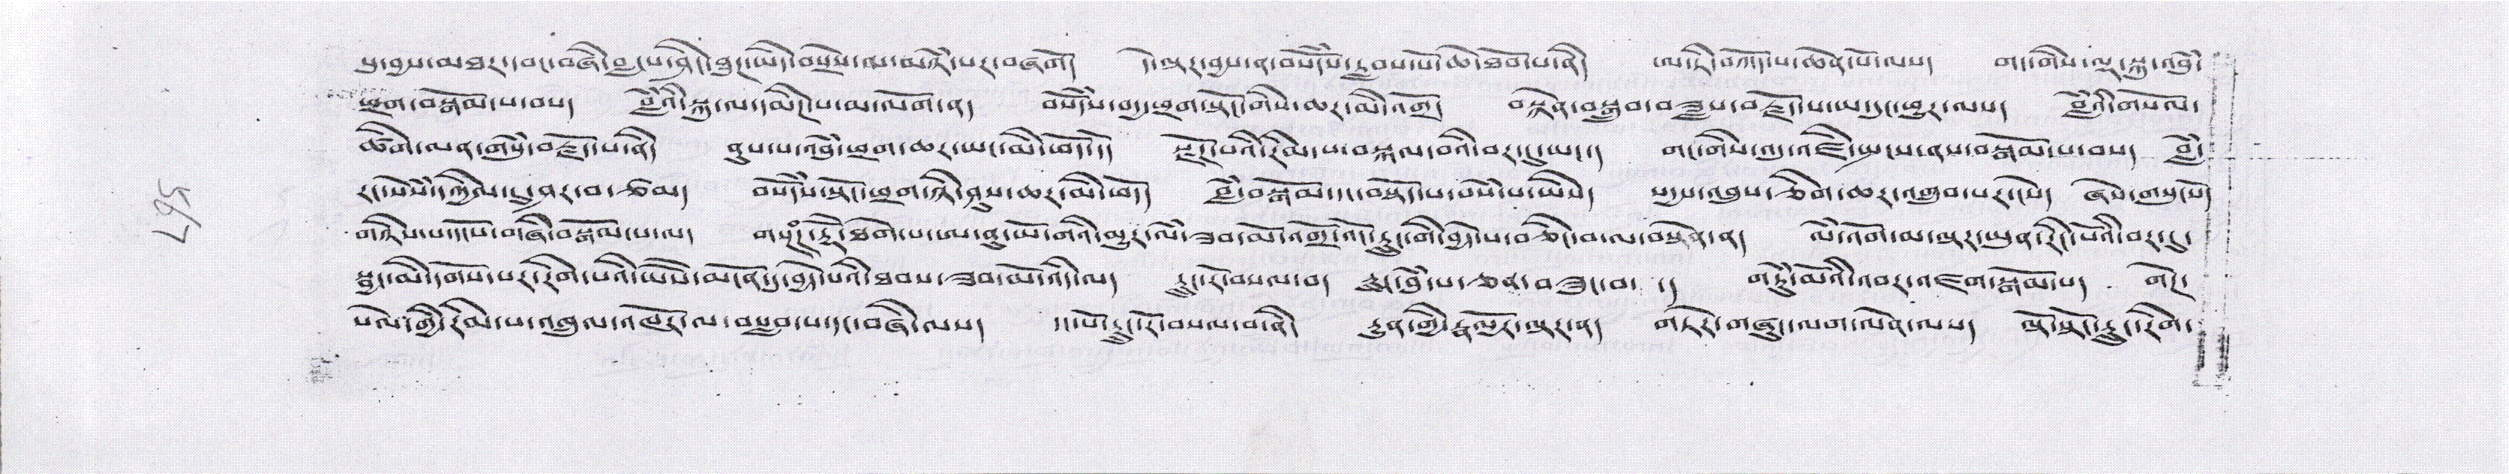སུ་བྱས་མཐར་དབང་བཞི་བླང་ཞིང་ཐུགས་ཡིད་བསྲེས་ལ་མཉམ་པར་བཞག་གོ། དེ་ལྟར་བྱས་ན་བསོད་ནམས་རླབས་པོ་ཆེ་ཐོབ་པ་ནི། ཨ་ཏི་བཀོད་པ་ཆེན་པོ་ལས། གང་གིས་ལྷ་སྐུ་འབུམ་
ཕྲག་བསྒོམ་པ་བས། བླ་མའི་སྐུ་ལ་དམིགས་པ་མ་ལོག་ན། བསོད་ནམས་བརྒྱ་ཕྲག་སྟོང་གི་ཆར་མི་འགྲོ། བསྙེན་སྒྲུབ་བཟླས་བརྗོད་ས་ཡ་དུང་ཕྱུར་ལས། བླམ་མའི་གསོལ་
ཚིག་ལན་གསུམ་བརྗོད་པ་ནི། ནུས་པ་འབུམ་ཕྲག་ཆར་ཡང་མི་ཕོད་དོ། རྫོགས་པའི་རིམ་པ་བསྐལ་པའི་བར་དུ་ཡང་། གང་གི་འདུ་འཛི་སྤངས་ནས་བསྒོམས་པ་བས། བླ་མ་
རང་སེམས་དཀྱིལ་དུ་ཤར་བ་ཙམ། བསོད་ནམས་སྟོང་ཕྲག་ཉི་ཤུས་ཆར་མི་ཕོད། བླ་མ་བསྒོམ་པ་དང་བསྟོད་པ་བསམ་པ་ཡིས། སངས་རྒྱས་འབྲས་བུ་ཅིག་ཅར་འགྲུབ་པར་ངེས། ཞེས་གསུངས་སོ། 
གཉིས་པ་དངོས་གཞི་བསྒོམ་པ་ལ། གསང་སྔགས་རྡོ་རྗེ་ཐེག་པ་ཨ་ནུ་ཡོ་གའི་མྱུར་ལམ་ཟབ་མོ་འགྲོ་འོང་རླུང་གི་བྱེད་པ་བཅིང་བ་ལ་བསྟེན་ན། ལམ་འོག་མ་ལྟར་ཡུན་རིང་པོའི་བར་དུ་
སྦྱང་མི་དགོས་པར་རིག་པའི་ཡེ་ཤེས་མངོན་དུ་བྱེད་པའི་ཐབས་ཟབ་མོ་འདི་ལ། རླུང་རོ་བསལ་བ། རླུང་བུམ་པ་ཅན་བཟུང་བ། གཏུམ་མོའི་འབར་འཛག་སྒོམ་པ། གེགས་
སེལ་གྱི་རིམ་པ་འཁྲུལ་འཁོར་ལ་བསླབ་པ་དང་བཞི་ལས། དང་པོ་རླུང་རོ་བསལ་བ་ནི། རྒྱུན་གྱི་རྣལ་འབྱོར་ལྟར་ན། གཏེར་གཞུང་ལག་ལེན་ལས། ལྟོ་སྟོང་རླུང་རིག་